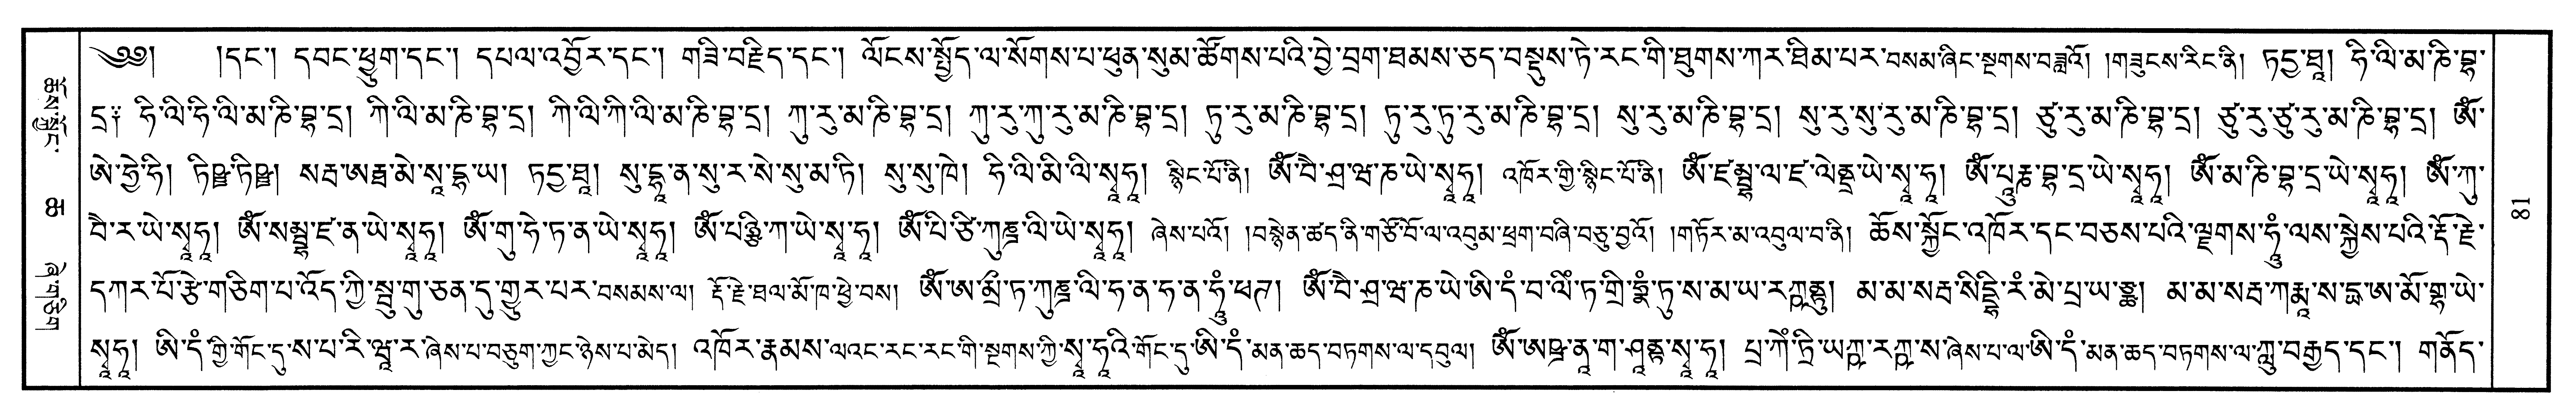༄༅། །དང་། དབང་ཕྱུག་དང་། དཔལ་འབྱོར་དང་། གཟི་བརྗིད་དང་། ལོངས་སྤྱོད་ལ་སོགས་པ་ཕུན་སུམ་ཚོགས་པའི་བྱེ་བྲག་ཐམས་ཅད་བསྡུས་ཏེ་རང་གི་ཐུགས་ཀར་ཐིམ་པར་བསམ་ཞིང་སྔགས་བཟླའོ། །གཟུངས་རིང་ནི། ཏདྱ་ཐཱ། ཧི་ལི་མ་ཎི་བྷ་
དྲ༑ ཧི་ལི་ཧི་ལི་མ་ཎི་བྷ་དྲ། ཀི་ལི་མ་ཎི་བྷ་དྲ། ཀི་ལི་ཀི་ལི་མ་ཎི་བྷ་དྲ། ཀུ་རུ་མ་ཎི་བྷ་དྲ། ཀུ་རུ་ཀུ་རུ་མ་ཎི་བྷ་དྲ། ཏུ་རུ་མ་ཎི་བྷ་དྲ། ཏུ་རུ་ཏུ་རུ་མ་ཎི་བྷ་དྲ། སུ་རུ་མ་ཎི་བྷ་དྲ། སུ་རུ་སུ་རུ་མ་ཎི་བྷ་དྲ། ཙུ་རུ་མ་ཎི་བྷ་དྲ། ཙུ་རུ་ཙུ་རུ་མ་ཎི་བྷ་དྲ། ཨོཾ་
ཨེ་ཧྱེ་ཧི། ཏིཥཊཿཨ་ཏིཥཊཿཨ། སརྦ་ཨརྠ་མེ་སཱ་དྷ་ཡ། ཏདྱ་ཐཱ། སུ་དྷཱ་ན་སུ་ར་སེ་སུ་མ་ཏི། སུ་སུ་ཁེ། ཧི་ལི་མི་ལི་སྭཱ་ཧཱ། སྙིང་པོ་ནི། ཨོཾ་བཻ་ཤྲ་ཝ་ཎ་ཡེ་སྭཱ་ཧཱ། འཁོར་གྱི་སྙིང་པོ་ནི། ཨོཾ་ཛམྦྷ་ལ་ཛ་ལེནྡྲ་ཡེ་སྭཱ་ཧཱ། ཨོཾ་པཱུརྞ་བྷ་དྲ་ཡེ་སྭཱ་ཧཱ། ཨོཾ་མ་ཎི་བྷ་དྲ་ཡེ་སྭཱ་ཧཱ། ཨོཾ་ཀུ་
བཻ་ར་ཡེ་སྭཱ་ཧཱ། ཨོཾ་སམྦྷ་ཛ་ན་ཡེ་སྭཱཧཱ། ཨོཾ་གུ་ཧེ་ཏ་ན་ཡེ་སྭཱཧཱ། ཨོཾ་པཉྩི་ཀ་ཡེ་སྭཱ་ཧཱ། ཨོཾ་པི་ཙི་ཀུཎྜ་ལི་ཡེ་སྭཱ་ཧཱ། ཞེས་པའོ། །བསྙེན་ཚད་ནི་གཙོ་བོ་ལ་འབུམ་ཕྲག་བཞི་བཅུ་བྱའོ། །གཏོར་མ་འབུལ་བ་ནི། ཆོས་སྐྱོང་འཁོར་དང་བཅས་པའི་ལྗགས་ཧཱུཾ་ལས་སྐྱེས་པའི་རྡོ་རྗེ་
དཀར་པོ་རྩེ་གཅིག་པ་འོད་ཀྱི་སྦུ་གུ་ཅན་དུ་གྱུར་པར་བསམས་ལ། རྡོ་རྗེ་ཐལ་མོ་ཁ་ཕྱེ་བས། ཨོཾ་ཨ་མྲྀ་ཏ་ཀུཎྜ་ལི་ཧ་ན་ཧ་ན་ཧཱུཾ་ཕཊ། ཨོཾ་བཻ་ཤྲ་ཝ་ཎ་ཡེ་ཨི་དཾ་བ་ལིཾ་ཏ་བྲི་ཧྣཾ་ཏུ་ས་མ་ཡ་རཀྵནྟུ། མ་མ་སརྦ་སིདྡྷི་རཾ་མེ་པྲ་ཡ་ཙྪ། མ་མ་སརྦ་ཀརྨཱ་ས་དྱ་ཨ་མོ་གྷ་ཡེ་
སྭཱ་ཧཱ། ཨི་དཾ་གྱི་གོང་དུ་ས་པ་རི་ཝཱ་ར་ཞེས་པ་བཅུག་ཀྱང་ཉེས་པ་མེད། འཁོར་རྣམས་ལའང་རང་རང་གི་སྔགས་ཀྱི་སྭཱ་ཧཱའི་གོང་དུ་ཨི་དཾ་མན་ཆད་བཏགས་ལ་དབུལ། ཨོཾ་ཨཥྜ་ནཱ་ག་ཤཱནྟ་སྭཱ་ཧཱ། པྲ་ཀེཾ་ཏྲི་ཡཀྵ་རཀྵ་ས་ཞེས་པ་ལ་ཨི་དཾ་མན་ཆད་བཏགས་ལ་ཀླུ་བརྒྱད་དང་། གནོད་